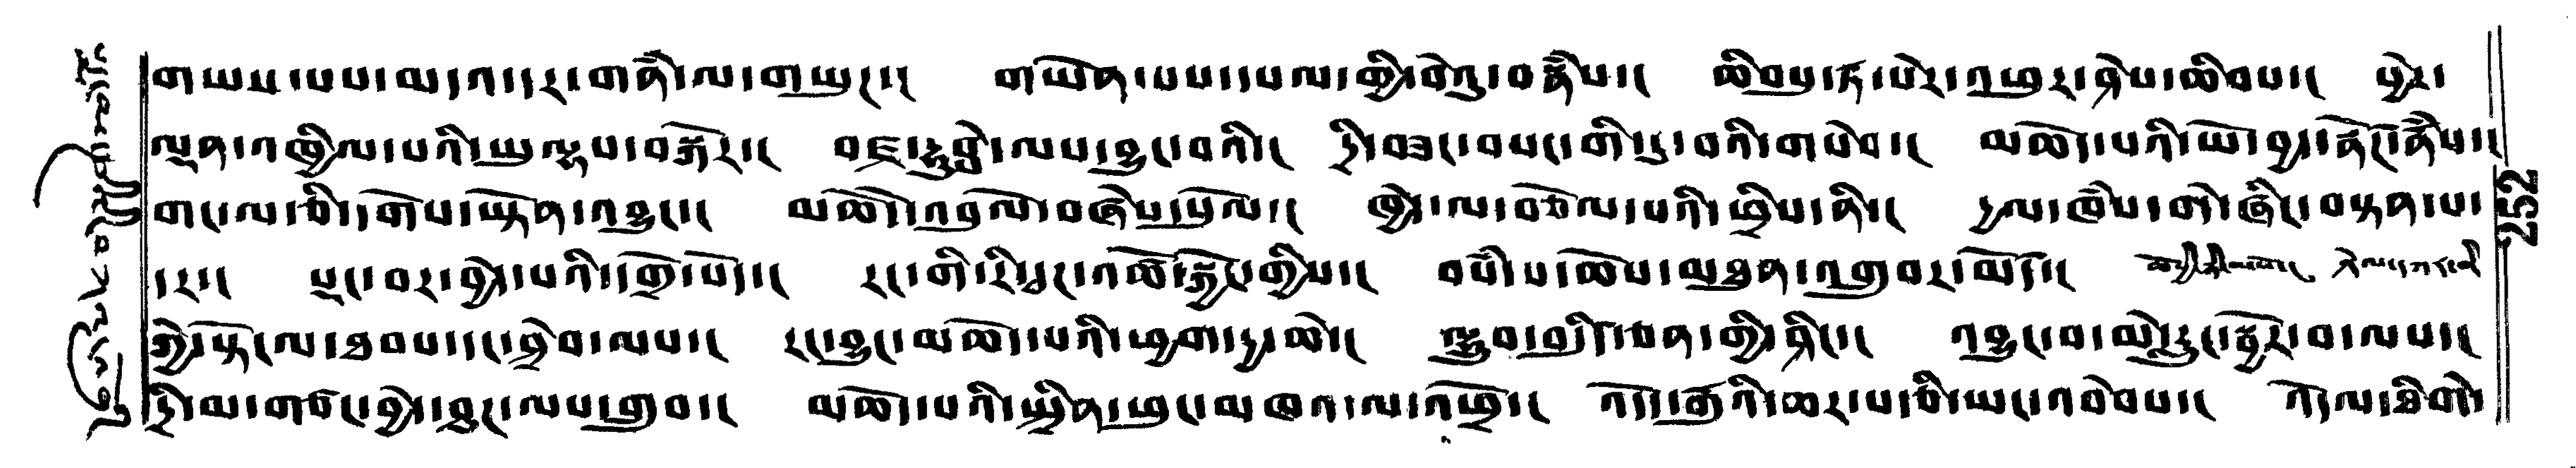།གཡས་པས་མདའ་དར་གནམ་ལ་གཡུག །གཡོན་པས་དཔལ་གྱི་བེའུ་བསྣམས། །ཆིབས་སུ་རྟ་སེར་འཕུར་ཤེས་ཆིབས། །སེར་
ལྡན་འཁྱིལ་པའི་ཡུལ་ལྷས་བསྐོར། །བཛྲ་དྷུབ་པེ་ལས་བྱུང་བའི། །དྲི་བཟང་བསང་གི་དུ་བའི་གསེབ། །མཆོད་པའི་ཡོ་བྱད་སྣ་ཚོགས་རྣམས། །
གང་ལ་ཅི་དགོས་ཡོན་ཏན་འབྱུང་། །མཆོད་དོ་འབུལ་ལོ་བཞེས་སུ་གསོལ། ཁྱེད་ལ་བཅོལ་པའི་ཕྲིན་ལས་ནི། །རྒྱལ་ཁམས་བདེ་ཞིང་བསྟན་པ་
དར། །སྡང་བར་བྱེད་པའི་དགྲ་བོ་སོད། །རང་གི་རི་དྭགས་འཚོ་སྐྱོང་གིས། །བསམ་པ་ཆོས་མཐུན་འགྲུབ་པར་མཛོད། ཆོས་ཀྱི་ཉི་མས་སོ།། ཤེལ་དཀར་ནི། 
ཀྱཻ། སྟོང་གསལ་ཐབས་དང་ཤེས་རབ་ལས། །རང་བྱུང་མཆོད་པའི་ཕྱག་རྒྱ་ཆེ། །ལྷུན་གྲུབ་བདུད་རྩི་ཅན་གྱི་ཤིང་། །འབྱུང་བ་མེ་རླུང་སྦྱོར་བ་ལས། །
དྲི་མ་གཙང་བྱེད་ཤུགས་ལས་གྲུབ། །མཆོད་པའི་སྤྲིན་ཕུང་མཁའ་ལ་འཕྲོ། །འདོད་རྒུའི་ཆར་པ་ཅི་ཡང་འབེབས། །འོད་གསལ་ཐིག་ལེ་